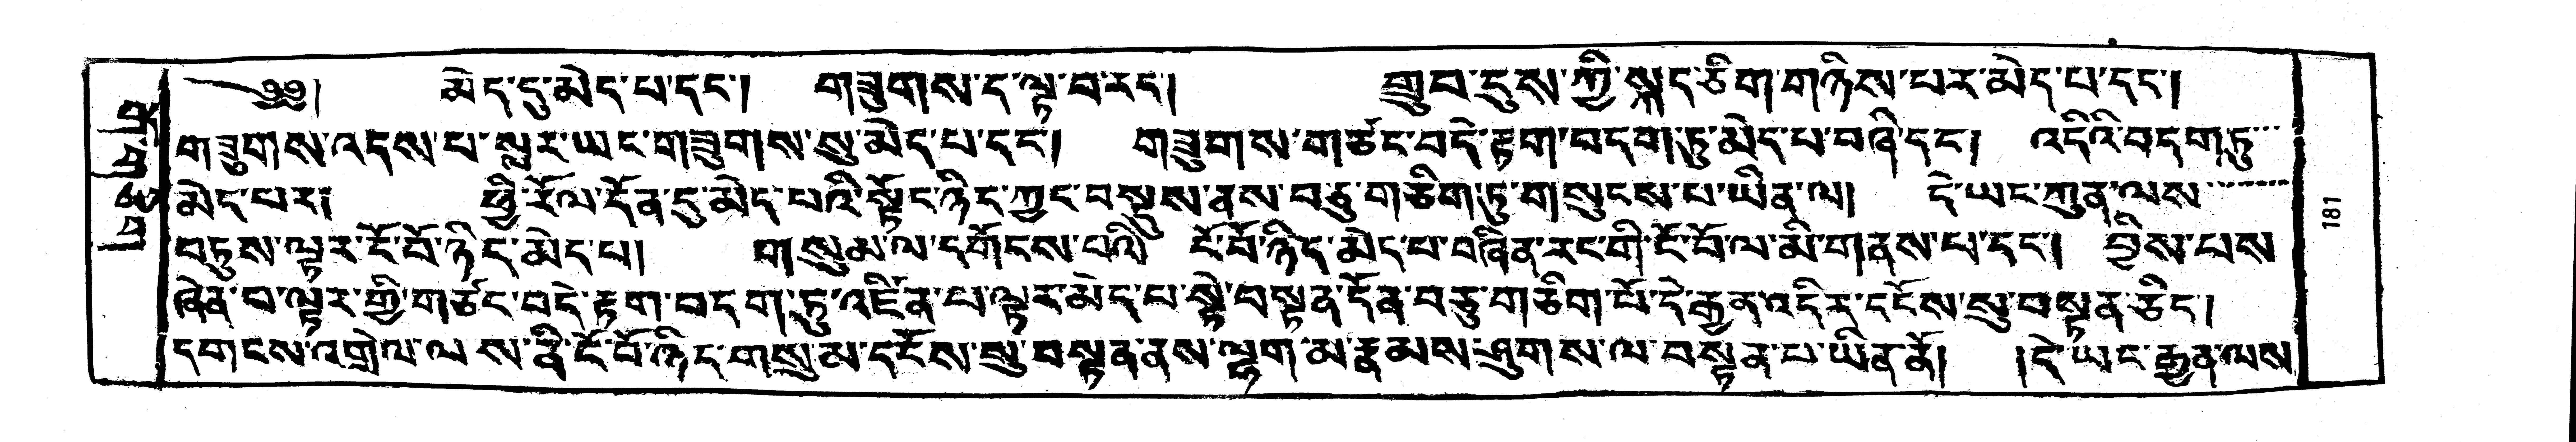༄༅། །མེད་དུ་མེད་པ་དང་། གཟུགས་ད་ལྟ་བ་རང་། གྲུབ་དུས་ཀྱི་སྐད་ཅིག་གཉིས་པར་མེད་པ་དང་།
གཟུགས་འདས་པ་སླར་ཡང་གཟུགས་སུ་མེད་པ་དང་། གཟུགས་གཙང་བདེ་རྟག་བདག་ཏུ་མེད་པ་བཞི་དང་། འདིའི་བདག་ཏུ་
མེད་པར༑ ཕྱི་རོལ་དོན་དུ་མེད་པའི་སྟོང་ཉིད་ཀྱང་བསྡུས་ནས་བཅུ་གཅིག་ཏུ་གསུངས་པ་ཡིན་ལ། དེ་ཡང་ཀུན་ལས་
བཏུས་ལྟར་ངོ་བོ་ཉིད་མེད་པ། གསུམ་ལ་དགོངས་པའི། ངོ་བོ་ཉིད་མེད་པ་བཞིན་རང་གི་ངོ་བོ་ལ་མི་གནས་པ་དང་། བྱིས་པས་
ཞེན་བ་ལྟར་གྱི་གཙང་བདེ་རྟག་བདག་ཏུ་འཛིན་པ་ལྟར་མེད་པ་སྟེ་བསྟན་དོན་བཅུ་གཅིག་པོ་དེ་རྒྱན་འདིར་དངོས་སུ་བསྟན་ཅིང་།
དགོངས་འགྲེལ་ལས་ནི་ངོ་བོ་ཉིད་གསུམ་དངོས་སུ་བསྟན་ནས་ལྷག་མ་རྣམས་ཤུགས་ལ་བསྟན་པ་ཡིན་ནོ། །དེ་ཡང་རྒྱན་ལས་